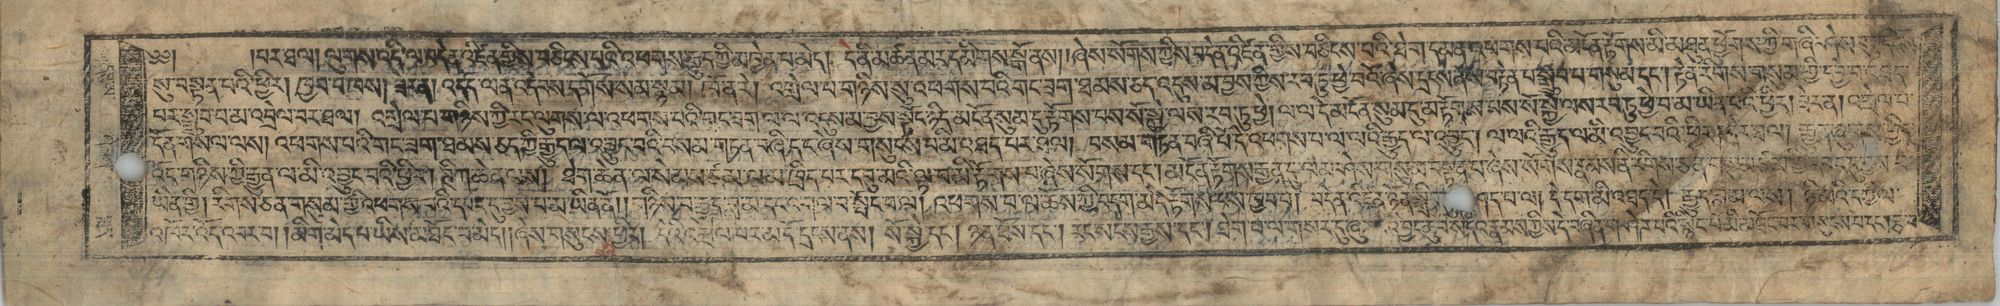༄༅། །པར་ཐལ། ལུགས་འདི་ལ་བདེན་འཛིན་གྱིས་བཅིངས་པའི་འཕགས་རྒྱུད་ཀྱི་མཁྱེན་པ་མེད། དེ་ནི་མཚན་མར་དམིགས་སྒོ་ནས། །ཞེས་སོགས་ཀྱིས་བདེན་འཛིན་གྱིས་བཅིངས་པའི་ཐེག་དམན་འཕགས་པའི་མངོན་རྟོགས་མི་མཐུན་ཕྱོགས་ཀྱི་གཞི་ཤེས་སུ་དངོས་
སུ་བསྟན་པའི་ཕྱིར། ཁྱབ་པ་ཁས། ཟེར་ན། འདོད་ལན་འདེབས་དགོས་སམ་སྙམ། ཁོ་ན་རེ། འགྲེལ་པ་གཉིས་སུ་འཕགས་པའི་གང་ཟག་ཐམས་ཅད་འདུས་མ་བྱས་ཀྱིས་རབ་ཏུ་ཕྱེ་བའོ་ཞེས་དྲངས་ནས་བརྟེན་པ་སྒྲུབ་པ་གསུམ་དང་། རྟེན་རིགས་གསུམ་གྱི་དབྱེ་བ་འཐད་
པར་སྒྲུབ་པ་མ་འབྲེལ་བར་ཐལ། འགྲེལ་པ་གཉིས་ཀྱི་རང་ལུགས་ལ་འཕགས་པའི་གང་ཟག་ལ་ལ་འདུས་མ་བྱས་སྟོང་ཉིད་མངོན་སུམ་དུ་རྟོགས་པས་སོ་སྐྱེ་ལས་རབ་ཏུ་ཕྱེ། ལ་ལ་དེ་མངོན་སུམ་དུ་མ་རྟོགས་པས་སོ་སྐྱེ་ལས་རབ་ཏུ་ཕྱེ་བ་མ་ཡིན་པའི་ཕྱིར། ཟེར་ན། འགྲེལ་པ་
དོན་གསལ་ལས། འཕགས་པའི་གང་ཟག་ཐམས་ཅད་ཀྱི་རྒྱུད་ལ་འབྱུང་བའི་བསམ་གཏན་བཞི་དང་ཞེས་གསུངས་པ་མི་འཐད་པར་ཐལ། བསམ་གཏན་བཞི་པོ་དེ་འཕགས་པ་ལ་ལའི་རྒྱུད་ལ་འབྱུང་། ལ་ལའི་རྒྱུད་ལ་མི་འབྱུང་བའི་ཕྱིར། དེར་ཐལ། རྒྱུན་ཞུགས་ཕྱིར་
འོང་གཉིས་ཀྱི་རྒྱུན་ལ་མི་འབྱུང་བའི་ཕྱིར། ཊིཀ་ཆེན་ལས། ཐེག་ཆེན་ལ་སེམས་ཙམ་ལ་མ་ཁྲིདཔར་དབུ་མའི་ལྟ་བ་མི་རྟོགས་པ་ཞེས་སོགས་དང་། མངོན་རྟོགས་རྒྱན་དུ་ལམ་ཤེས་གསུམ་བསྟན་པ་ཞེས་སོགས་རྣམས་ནི་རིགས་ཅན་གསུམ་ཙམ་གྱི་དབང་དུ་བྱས་པ་
ཡིན་གྱི། རིགས་ཅན་གསུམ་གྱི་འཕགས་པའི་དབང་དུ་བྱས་པ་མ་ཡིན་ནོ། །གཉིས་པ་རྒྱུད་བླ་མ་དང་འགལ་བ་སྤོང་བ་ལ། འཕགས་པ་ལ་ཆོས་ཀྱི་བདག་མེད་རྟོགས་པས་ཁྱབ་པ། བདེན་འཛིན་ཉོན་སྒྲིབ་དུ་བཤད་པ་ལ། དེ་དག་མི་འཐད་དེ། རྒྱུད་བླ་མ་ལས། ཉི་མའི་དཀྱིལ་
འཁོར་འོད་འབར་བ། །མིག་མེད་པ་ཡིས་མཐོང་བ་མེད། །ཞེས་གསུངས་པའི་ཕྱིར། དེའི་འགྲེལ་པར་མདོ་དྲངས་ནས། སོ་སྐྱེ་དང་། ཉན་ཐོས་དང་། རང་སངས་རྒྱས་དང་། ཐེག་པ་ལ་གསར་དུ་ཞུགས་པའི་བྱང་ཆུབ་སེམས་དཔའ་རྣམས་ཀྱིས་དེ་བཞིན་གཤེགས་པའི་སྙིང་པོ་མི་མཐོང་བར་གསུངས་པ་དང་། རྩ་བ་